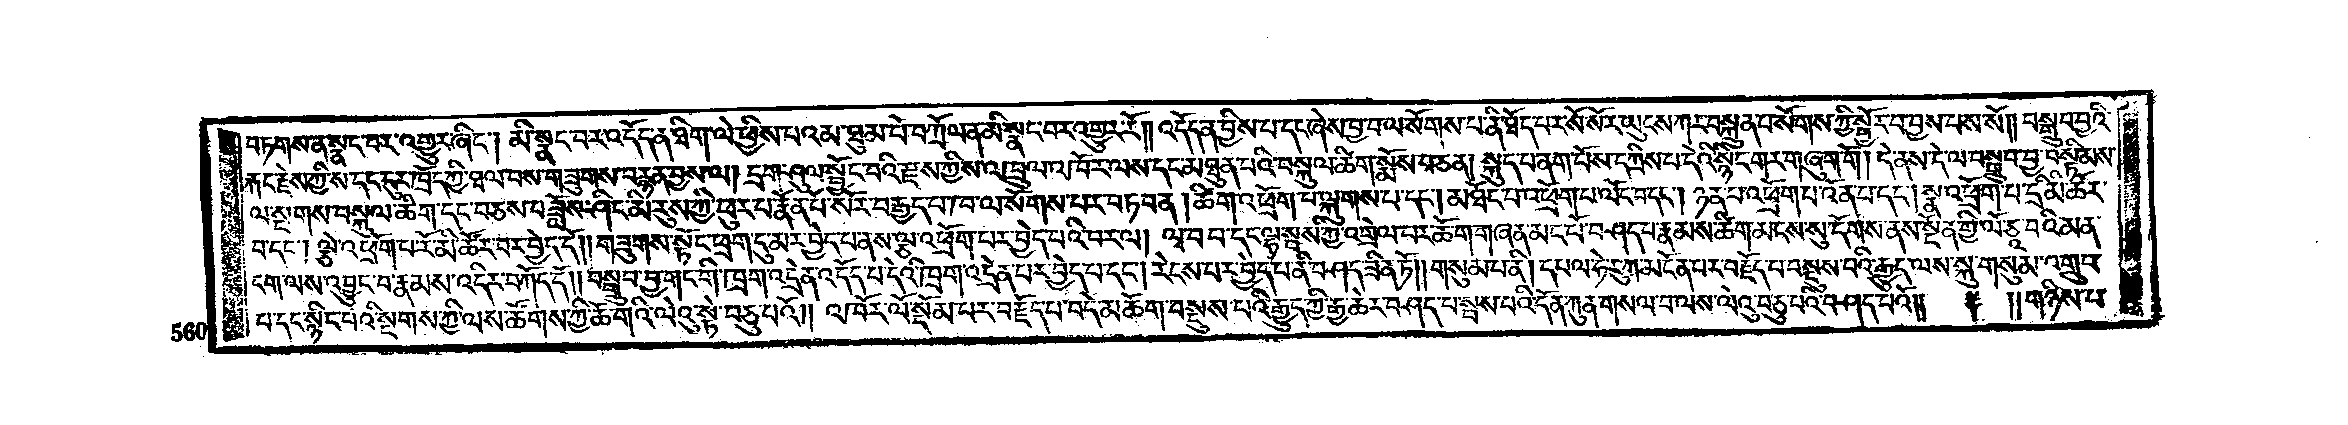བཏགས་ན་སྣང་བར་འགྱུར་ཞིང་། མི་སྣང་བར་འདོད་ན་ཐིག་ལེ་ཕྱིས་པའམ་ཐུམ་པོ་བཀྲོལ་ན་མི་སྣང་བར་འགྱུར་རོ། །འདོད་ན་བྱིས་པ་དང་ཞེས་བྱ་བ་ལ་སོགས་པ་ནི་ཐོད་པར་སོ་སོར་ཡུངས་ཀར་བསྐྲུན་པ་སོགས་ཀྱི་སྦྱོར་བ་བྱས་པས་སོ། །བསྒྲུབ་བྱའི་
རྐང་རྗེས་ཀྱི་ས་དང་དུར་ཁྲོད་ཀྱི་ཐལ་བས་གཟུགས་བརྙན་བྱས་ལ། དྲག་ཤུལ་སྦྱོང་བའི་རྫས་ཀྱིས་འཁྲུལ་འཁོར་ལས་དང་མཐུན་པའི་བསྐུལ་ཚིག་སྨོས་པ་ཅན། སྐུད་པ་ནག་པོས་དཀྲིས་པ་དེའི་སྙིང་གར་གཞུག་གོ །དེ་ནས་དེ་ལ་བསྒྲུབ་བྱ་བསྟིམས་
ལ་སྔགས་བསྐུལ་ཚིག་དང་བཅས་པ་ཟློས་ཤིང་མི་རུས་ཀྱི་ཕུར་པ་རྣོན་པོ་སོར་བརྒྱད་པ་ཁ་ལ་སོགས་པར་བཏབ་ན། ཚིག་འཕྲོག་པ་ལྐུགས་པ་དང་། མཐོང་བ་འཕྲོག་པ་ལོང་བ་དང་། ཉན་པ་འཕྲོག་པ་འོན་པ་དང་། སྣ་འཕྲོག་པ་དྲི་མི་ཚོར་
བ་དང་། ལྕེ་འཕྲོག་པ་རོ་མི་ཚོར་བར་བྱེད་དོ། །གཟུགས་སྟོང་ཕྲག་དུ་མར་བྱེད་པ་ནས་ལྕ་འཕྲོག་པར་བྱེད་པའི་བར་ལ། ལྭ་བ་པ་དང་ལྷ་སྦས་ཀྱི་འགྲེལ་པར་ཆོ་ག་གཞན་མང་པོ་བཤད་པ་རྣམས་ཚིག་མངས་སུ་དོགས་ནས་སྔོན་གྱི་ལོ་ཙཱ་བའི་མན་
ངག་ལས་འབྱུང་བ་རྣམས་འདིར་བཀོད་དོ། །བསྒྲུབ་བྱ་གང་གི་ཁྲག་འདྲེན་འདོད་པ་དེའི་ཁྲག་འདྲེན་པར་བྱེད་པ་དང་། རེངས་པར་བྱེད་པ་ནི་བཤད་ཟིན་ཏོ། །གསུམ་པ་ནི། དཔལ་ཧེ་རུ་ཀ་མངོན་པར་བརྗོད་པ་བསྡུས་པའི་རྒྱུད་ལས་སྐུ་གསུམ་འགྲུབ་
པ་དང་སྙིང་པོའི་སྔགས་ཀྱི་ལས་ཚོགས་ཀྱི་ཆོ་གའི་ལེའུ་སྟེ་བཅུ་པའོ། །འཁོར་ལོ་སྡོམ་པར་བརྗོད་པ་བདེ་མཆོག་བསྡུས་པའི་རྒྱུད་ཀྱི་རྒྱ་ཆེར་བཤད་པ་སྦས་པའི་དོན་ཀུན་གསལ་བ་ལས་ལེའུ་བཅུ་པའི་བཤད་པའོ།། ༈ །།གཉིས་པ་